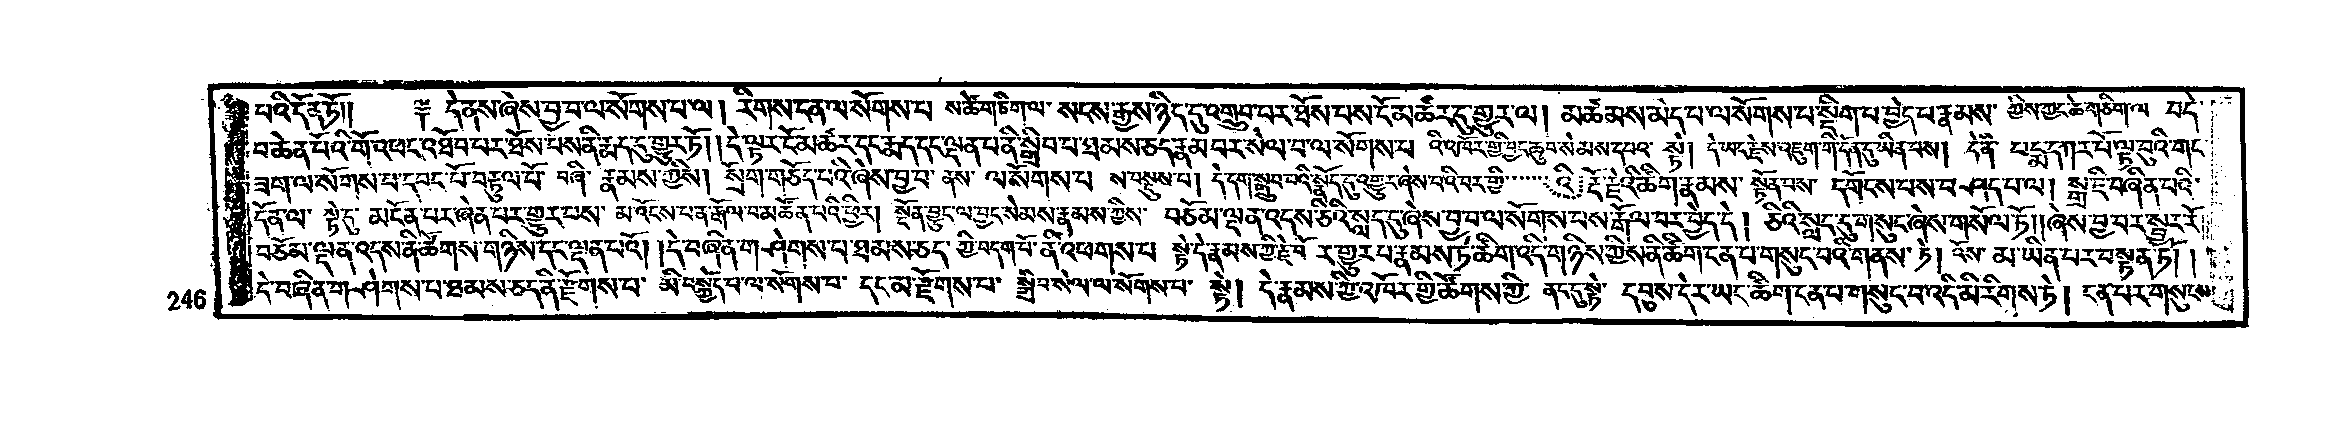པའི་དོན་ཏོ།། ༈ དེ་ནས་ཞེས་བྱ་བ་ལ་སོགས་པ་ལ། རིགས་ངན་ལ་སོགས་པས་ཚེ་གཅིག་ལ་སངས་རྒྱས་ཉིད་དུ་འགྲུབ་པར་ཐོས་པས་ངོ་མཚར་དུ་གྱུར་ལ། མཚམས་མེད་པ་ལ་སོགས་པ་སྡིག་པ་བྱེད་པ་རྣམས་ཀྱིས་ཀྱང་ཅེ་གཅིག་ལ་བདེ་
བ་ཆེན་པོའི་གོ་འཕང་འཐོབ་པར་ཐོས་པས་ནི་རྨད་དུ་གྱུར་ཏོ། །དེ་ལྟར་ངོ་མཚར་དང་རྨད་དང་ལྡན་པ་ནི་སྒྲིབ་པ་ཐམས་ཅད་རྣམ་པར་སེལ་བ་ལ་སོགས་པའི་འཁོར་གྱི་བྱང་ཆུབ་སེམས་དཔའ་སྟེ། དེ་ཡང་རྗེས་འཇུག་གི་དོན་དུ་ཡིན་པས། དེ་ནི་པདམ་དཀར་པོ་ལྟ་བུའི་གང་
ཟག་ལ་སོགས་པ་དབང་པོ་བརྟུལ་པོ་བཞི་རྣམས་ཀྱིས། སྲོག་གཅོད་པའི་ཞེས་བྱ་བ་ནས་ལ་སོགས་པས་བསྡུས་པ། དེ་དག་སྒྲུབ་པའི་སྣོད་དུ་འགྱུར་ཞེས་པའི་བར་གྱི་འི་རྡོ་རྗེའི་ཚིག་རྣམས་སྟོན་པས་དགོངས་པས་བཤད་པ་ལ། སྒྲ་ཇི་བཞིན་པའི་
དོན་ལ་སྟེ་དུ་མངོན་པར་ཞེན་པར་གྱུར་པས་མ་འོངས་པ་ན་རྒོལ་བ་མཚོན་པའི་ཕྱིར། སྔོན་བྱུང་ལ་བྱང་སེམས་རྣམས་ཀྱིས་བཅོམ་ལྡན་འདས་ཅིའི་སླད་དུ་ཞེས་བྱ་བ་ལ་སོགས་པས་རྒོལ་བར་བྱེད་དེ། ཅིའི་སླད་དུ་གསུང་ཞེས་གསོལ་ཏོ། །ཞེས་བྱ་བར་སྦྱར་རོ།།
བཅོམ་ལྡན་འདས་ནི་ཚོགས་གཉིས་དང་ལྡན་པའོ། །དེ་བཞིན་གཤེགས་པ་ཐམས་ཅད་ཀྱི་བདག་པོ་ནི་འཕགས་པ་སྟེ་དེ་རྣམས་ཀྱི་རྗེ་བོར་གྱུར་པ་རྣམས་ཏེ་ཚིག་འདི་གཉིས་ཀྱིས་ནི་ཚིག་ངན་པ་གསུང་བའི་གནས་ཏེ། འོས་མ་ཡིན་པར་བསྟན་ཏོ། །
དེ་བཞིན་གཤེགས་པ་ཐམས་ཅད་ནི་རྫོགས་པ་མི་བསྐྱོད་པ་ལ་སོགས་པ་དང་མ་རྫོགས་པ་སྒྲིབ་སེལ་ལ་སོགས་པ་སྟེ། དེ་རྣམས་ཀྱི་འཁོར་གྱི་ཚོགས་ཀྱི་ནང་དུ་སྟེ་དབུས་དེར་ཡང་ཚིག་ངན་པ་གསུང་བ་འདི་མི་རིགས་ཏེ། ངན་པར་གསུངས་